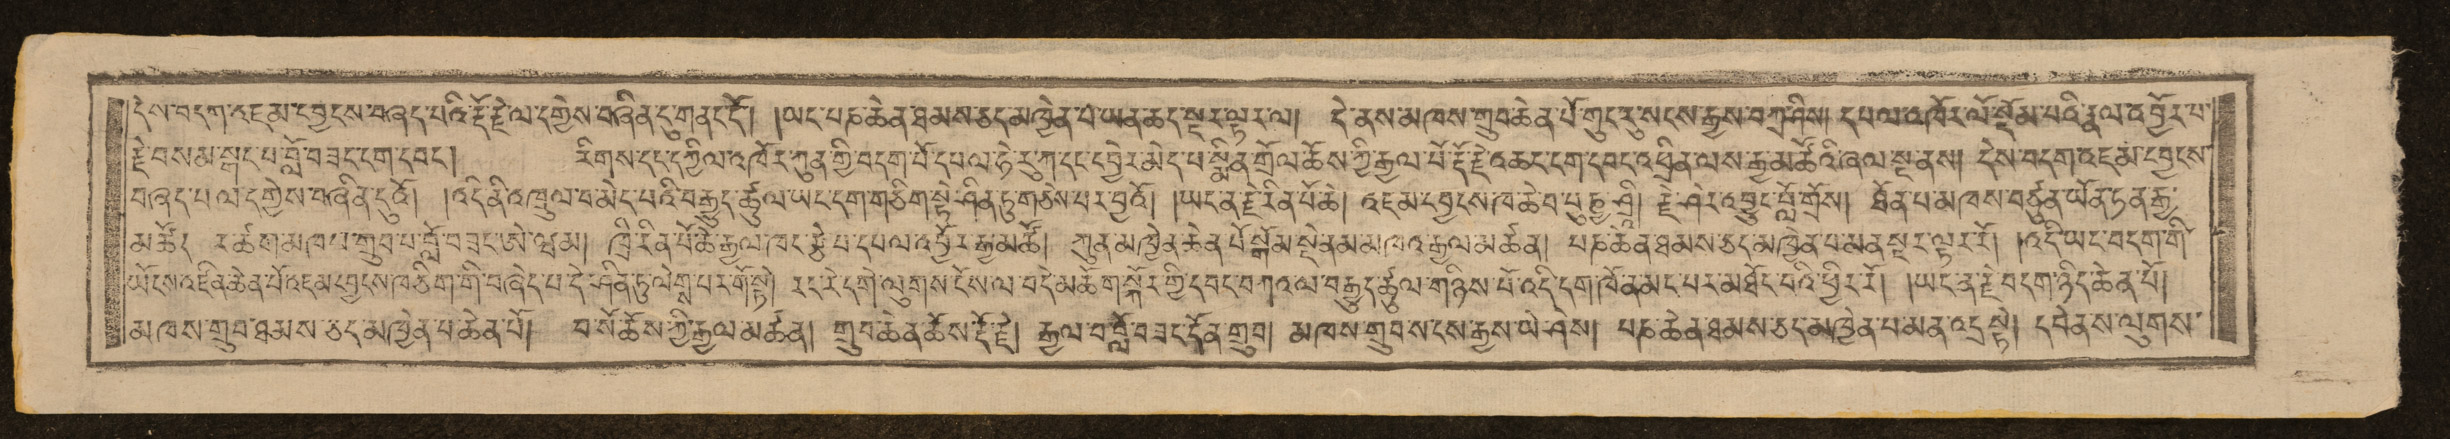དེས་བདག་འཇམ་དབྱངས་བཞད་པའི་རྡོ་རྗེ་ལ་དགྱེས་བཞིན་དུ་གནང་ངོ། །ཡང་པཎ་ཆེན་ཐམས་ཅད་མཁྱེན་པ་ཡན་ཆད་སྔར་ལྟར་ལ། དེ་ནས་མཁས་གྲུབ་ཆེན་པོ་གུང་རུ་སངས་རྒྱས་བཀྲ་ཤིས། དཔལ་འཁོར་ལོ་སྡོམ་པའི་རྣལ་འབྱོར་པ་
རྗེ་བསམ་སྒང་པ་བློ་བཟང་ངག་དབང་། རིགས་དང་དཀྱིལ་འཁོར་ཀུན་གྱི་བདག་པོ་དཔལ་ཧེ་རུ་ཀ་དང་དབྱེར་མེད་པ་སྨིན་གྲོལ་ཆོས་ཀྱི་རྒྱལ་པོ་རྡོ་རྗེ་འཆང་ངག་དབང་འཕྲིན་ལས་རྒྱ་མཚོའི་ཞལ་སྔ་ནས། དེས་བདག་འཇམ་དབྱངས་
བཞད་པ་ལ་དགྱེས་བཞིན་དུའོ། །འདི་ནི་འཁྲུལ་བ་མེད་པའི་བརྒྱུད་ཚུལ་ཡང་དག་གཅིག་སྟེ་ཤིན་ཏུ་གཅེས་པར་བྱའོ། །ཡང་ན་རྗེ་རིན་པོ་ཆེ། འཇམ་དབྱངས་ཁ་ཆེ་བ་པུཎྱ་ཤྲཱི། རྗེ་ཤེར་འབྱུང་བློ་གྲོས། ཐོན་པ་མཁས་བཙུན་ཡོན་ཏན་རྒྱ་
མཚོ། ར་ཚག་མཁས་གྲུབ་པ་བློ་བཟང་ཨེ་ཝམ། ཁྲི་རིན་པོ་ཆེ་རྒྱལ་ཁང་རྩེ་བ་དཔལ་འབྱོར་རྒྱ་མཚོ། ཀུན་མཁྱེན་ཆེན་པོ་སྒོམ་སྡེ་ནམ་མཁའ་རྒྱལ་མཚན། པཎ་ཆེན་ཐམས་ཅད་མཁྱེན་པ་མན་སྔར་ལྟར་རོ། །འདི་ཡང་བདག་གི་
ཡོངས་འཛིན་ཆེན་པོ་འཇམ་དབྱངས་ཁ་ཅིག་གི་བཞེད་པ་དེ་ཤིན་ཏུ་ལེགས་པར་གོ་སྟེ། རང་རེ་དགེ་ལུགས་ངོས་ལ་བདེ་མཆོག་སྐོར་གྱི་དབང་བཀའ་ལ་བརྒྱུད་ཚུལ་གཉིས་པོ་འདི་དག་ཁོ་ན་མང་པར་མཐོང་བའི་ཕྱིར་རོ། །ཡང་ན་རྗེ་བདག་ཉིད་ཆེན་པོ།
མཁས་གྲུབ་ཐམས་ཅད་མཁྱེན་པ་ཆེན་པོ། བ་སོ?་ཆོས་ཀྱི་རྒྱལ་མཚན། གྲུབ་ཆེན་ཆོས་རྡོ་རྗེ། རྒྱལ་བ་བློ་བཟང་དོན་གྲུབ། མཁས་གྲུབ་སངས་རྒྱས་ཡེ་ཤེས། པཎ་ཆེན་ཐམས་ཅད་མཁྱེན་པ་མན་འདྲ་སྟེ། དབེན་ས་ལུགས་